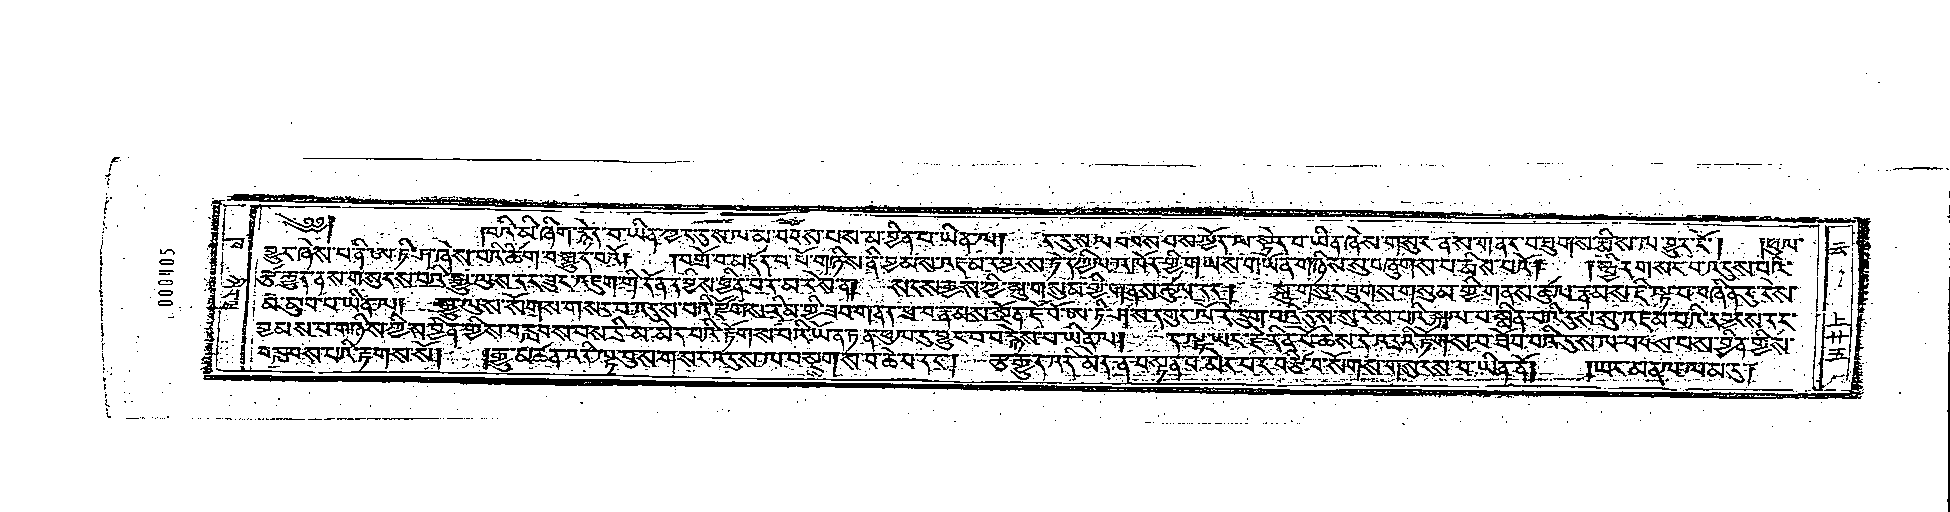༄༅། །བའི་མི་ཞིག་རྙེད་བ་ཡིན་ཀྱང་དུས་ལ་མ་བབས་པས་མ་བྱིན་པ་ཡིན་ལ། ད་དུས་ལ་བབས་བས་ཁྱོད་ལ་སྟེར་བ་ཡིན་ཞེས་གསུང་ནས་གནང་བ་ཐུགས་རྨིས་ལ་བྱུང་ངོ། །ཕུལ་
བྱུང་ཞེས་པ་ནི་ཨ་ཏི་ཤ་ཞེས་པའི་ཚིག་བསྒྱུར་བའོ། །བགྲོ་བ་མཛད་པ་པོ་གཉིས་ནི་བྱམས་འཇམ་དབྱངས་ཏེ་དཀྱིལ་འཁོར་གྱི་གཡས་གཡོན་གཉིས་སུ་བཞུགས་པ་རྨིས་པའོ། །སྤྱིར་གསང་བ་འདུས་པའི་
རྩ་རྒྱུད་ནས་གསུངས་པའི་སྒྱུ་ལུས་དང་ཟུང་འཇུག་གི་དོན་དཔྱིས་ཕྱིན་པར་མ་ངེས་ན། སངས་རྒྱས་ཀྱི་སྐུ་གསུམ་གྱི་གནས་ཚུལ་དང་། སྐུ་གསུང་ཐུགས་གསུམ་གྱི་གནས་ཚུལ་རྣམས་ཇི་ལྟར་བ་བཞིན་དུ་ངེས་
མ་མུབ་པ་ཡིན་ལ། སྒྱུ་ལུས་སོགས་གསང་བ་འདུས་པའི་རྫོགས་རིམ་གྱི་ཟབ་གནད་ཕྲ་བ་རྣམས་སྔོན་ཇོ་བོ་ཨ་ཏི་ཤས་དགུང་ལོ་རེ་དྲུག་པའི་དུས་སུ་ངེས་པའི་སྐལ་པ་སྨིན་པའི་དུས་སུ་འཇམ་པའི་དབྱངས་དང་
བྱམས་པ་གཉིས་ཀྱིས་བྱིན་གྱིས་བརླབས་པས་དྲི་མ་མེད་པའི་རྟོགས་པའི་ཡོན་ཏན་ཕུལ་དུ་བྱུང་བ་བརྙེས་པ་ཡིན་ལ། ད་ལྟ་ཡང་རྗེ་རིན་པོ་ཆེས་དེ་འདྲའི་རྟོགས་པ་ཐོབ་པའི་དུས་ལ་བབས་པས་བྱིན་གྱིས་
བརླབས་པའི་རྟགས་སོ། །རྒྱུ་མཚན་འདི་ལྟ་བུས་གསང་འདུས་ལ་བསྔགས་པ་ཆེ་བ་དང་། རྩ་རྒྱུད་འདི་མེད་ན་བསྟན་པ་མེད་པར་བརྩི་བ་སོགས་གསུངས་པ་ཡིན་ནོ། །ཡང་མནལ་ལམ་དུ།